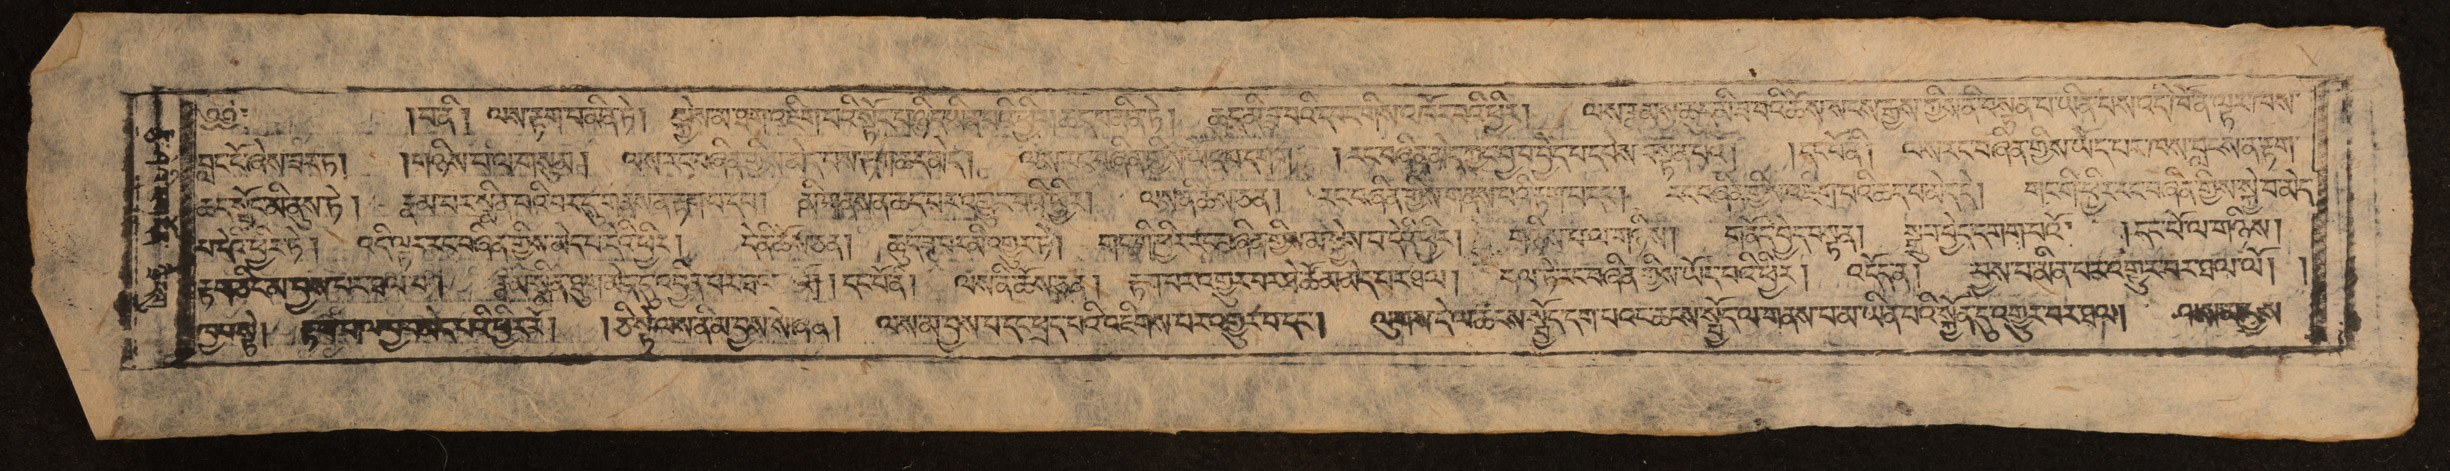༄༅། །པ་ནི། ལས་རྟག་པ་མིན་ཏེ། སྐྱེས་མ་ཐག་འཇིག་པའི་སྟོང་པ་ཉིད་ཡིན་པའི་ཕྱིར། ཆད་པ་མིན་ཏེ། ཆུད་མི་ཟ་བའི་དབང་གིས་འཁོར་བའི་ཕྱིར། ལས་རྣམས་ཆུང་མི་ཟ་བའི་ཆོས་སངས་རྒྱས་ཀྱིས་ནི་བསྟན་པ་ཡིན་པས་འདི་ཁོ་ན་ལྟར་ཁས་
བླང་ངོ་ཞེས་ཟེར་ཏ། །གཉིས་པ་ལ་གསུམ། ལས་རང་བཞིན་གྱིས་མེད་པས་རྟག་ཆད་མེད། ལས་རང་བཞིན་གྱིས་ཡོད་པ་དགག །རང་བཞིན་མེད་ཀྱང་བྱ་བ་བྱེད་པ་དཔེས་བསྟན་པའོ། །དང་པོ་ནི། ལས་རང་བཞིན་གྱིས་ཡོད་པར་ཁས་བླངས་ན་རྟག་
ཆད་སྤོང་མི་ནུས་ཏེ། རྣམ་པར་སྨིན་པའི་བར་དུ་གནས་ན་རྟག་པ་དང་། མི་གནས་ན་ཆད་པར་འགྱུར་བའི་ཕྱིར། ལས་ནི་ཆོས་ཅན། རང་བཞིན་གྱིས་གནས་པའི་རྟག་པ་དང་། རང་བཞིན་གྱིས་འཇིག་པའི་ཆད་པ་མེད་དེ། གང་གི་ཕྱིར་རང་བཞིན་གྱིས་སྐྱེ་བ་མེད་
པ་དེའི་ཕྱིར་ཏེ། འདི་ལྟར་རང་བཞིན་གྱིས་མེད་པ་དེའི་ཕྱིར། དེ་ནི་ཆོས་ཅན། ཆུད་ཟ་བར་མི་འགྱུར་ཏེ། གང་གི་ཕྱིར་རང་བཞིན་གྱིས་མ་སྐྱེས་པ་དེའི་ཕྱིར། གཉིས་པ་ལ་གཉིས། གནོད་བྱེད་བསྟན། སྒྲུབ་བྱེད་དགག་པའོ། །དང་པོ་ལ་གཉིས།
རྟག་ཅིང་མ་བྱས་པར་ཐལ་བ། རྣམ་སྨིན་ཐུག་མེད་དུ་འབྱིན་པར་ཐལ་བའོ། །དང་པོ་ནི། ལས་ནི་ཆོས་ཅན། རྟག་པར་འགྱུར་བར་ཐེ་ཚོམ་མེད་པར་ཐལ། གལ་ཏེ་རང་བཞིན་གྱིས་ཡོད་པའི་ཕྱིར། འདོད་ན། བྱས་པ་མིན་པར་འགྱུར་བར་ཐལ་ལོ།
ཁྱབ་སྟེ། རྟག་པ་ལ་བྱ་བ་མེད་པའི་ཕྱིར་རོ། །ཅི་སྟེ་ལས་ནི་མ་བྱས་སོ་ཞེ་ན། ལས་མ་བྱས་པ་དང་ཕྲད་པའི་འཇིགས་པར་འགྱུར་བ་དང་། ལུགས་དེ་ལ་ཚངས་སྤྱོད་དག་པའང་ཚངས་སྤྱོད་ལ་གནས་པ་མ་ཡིན་པའི་སྐྱོན་དུ་འགྱུར་བར་ཐལ། ལས་མ་བྱས་